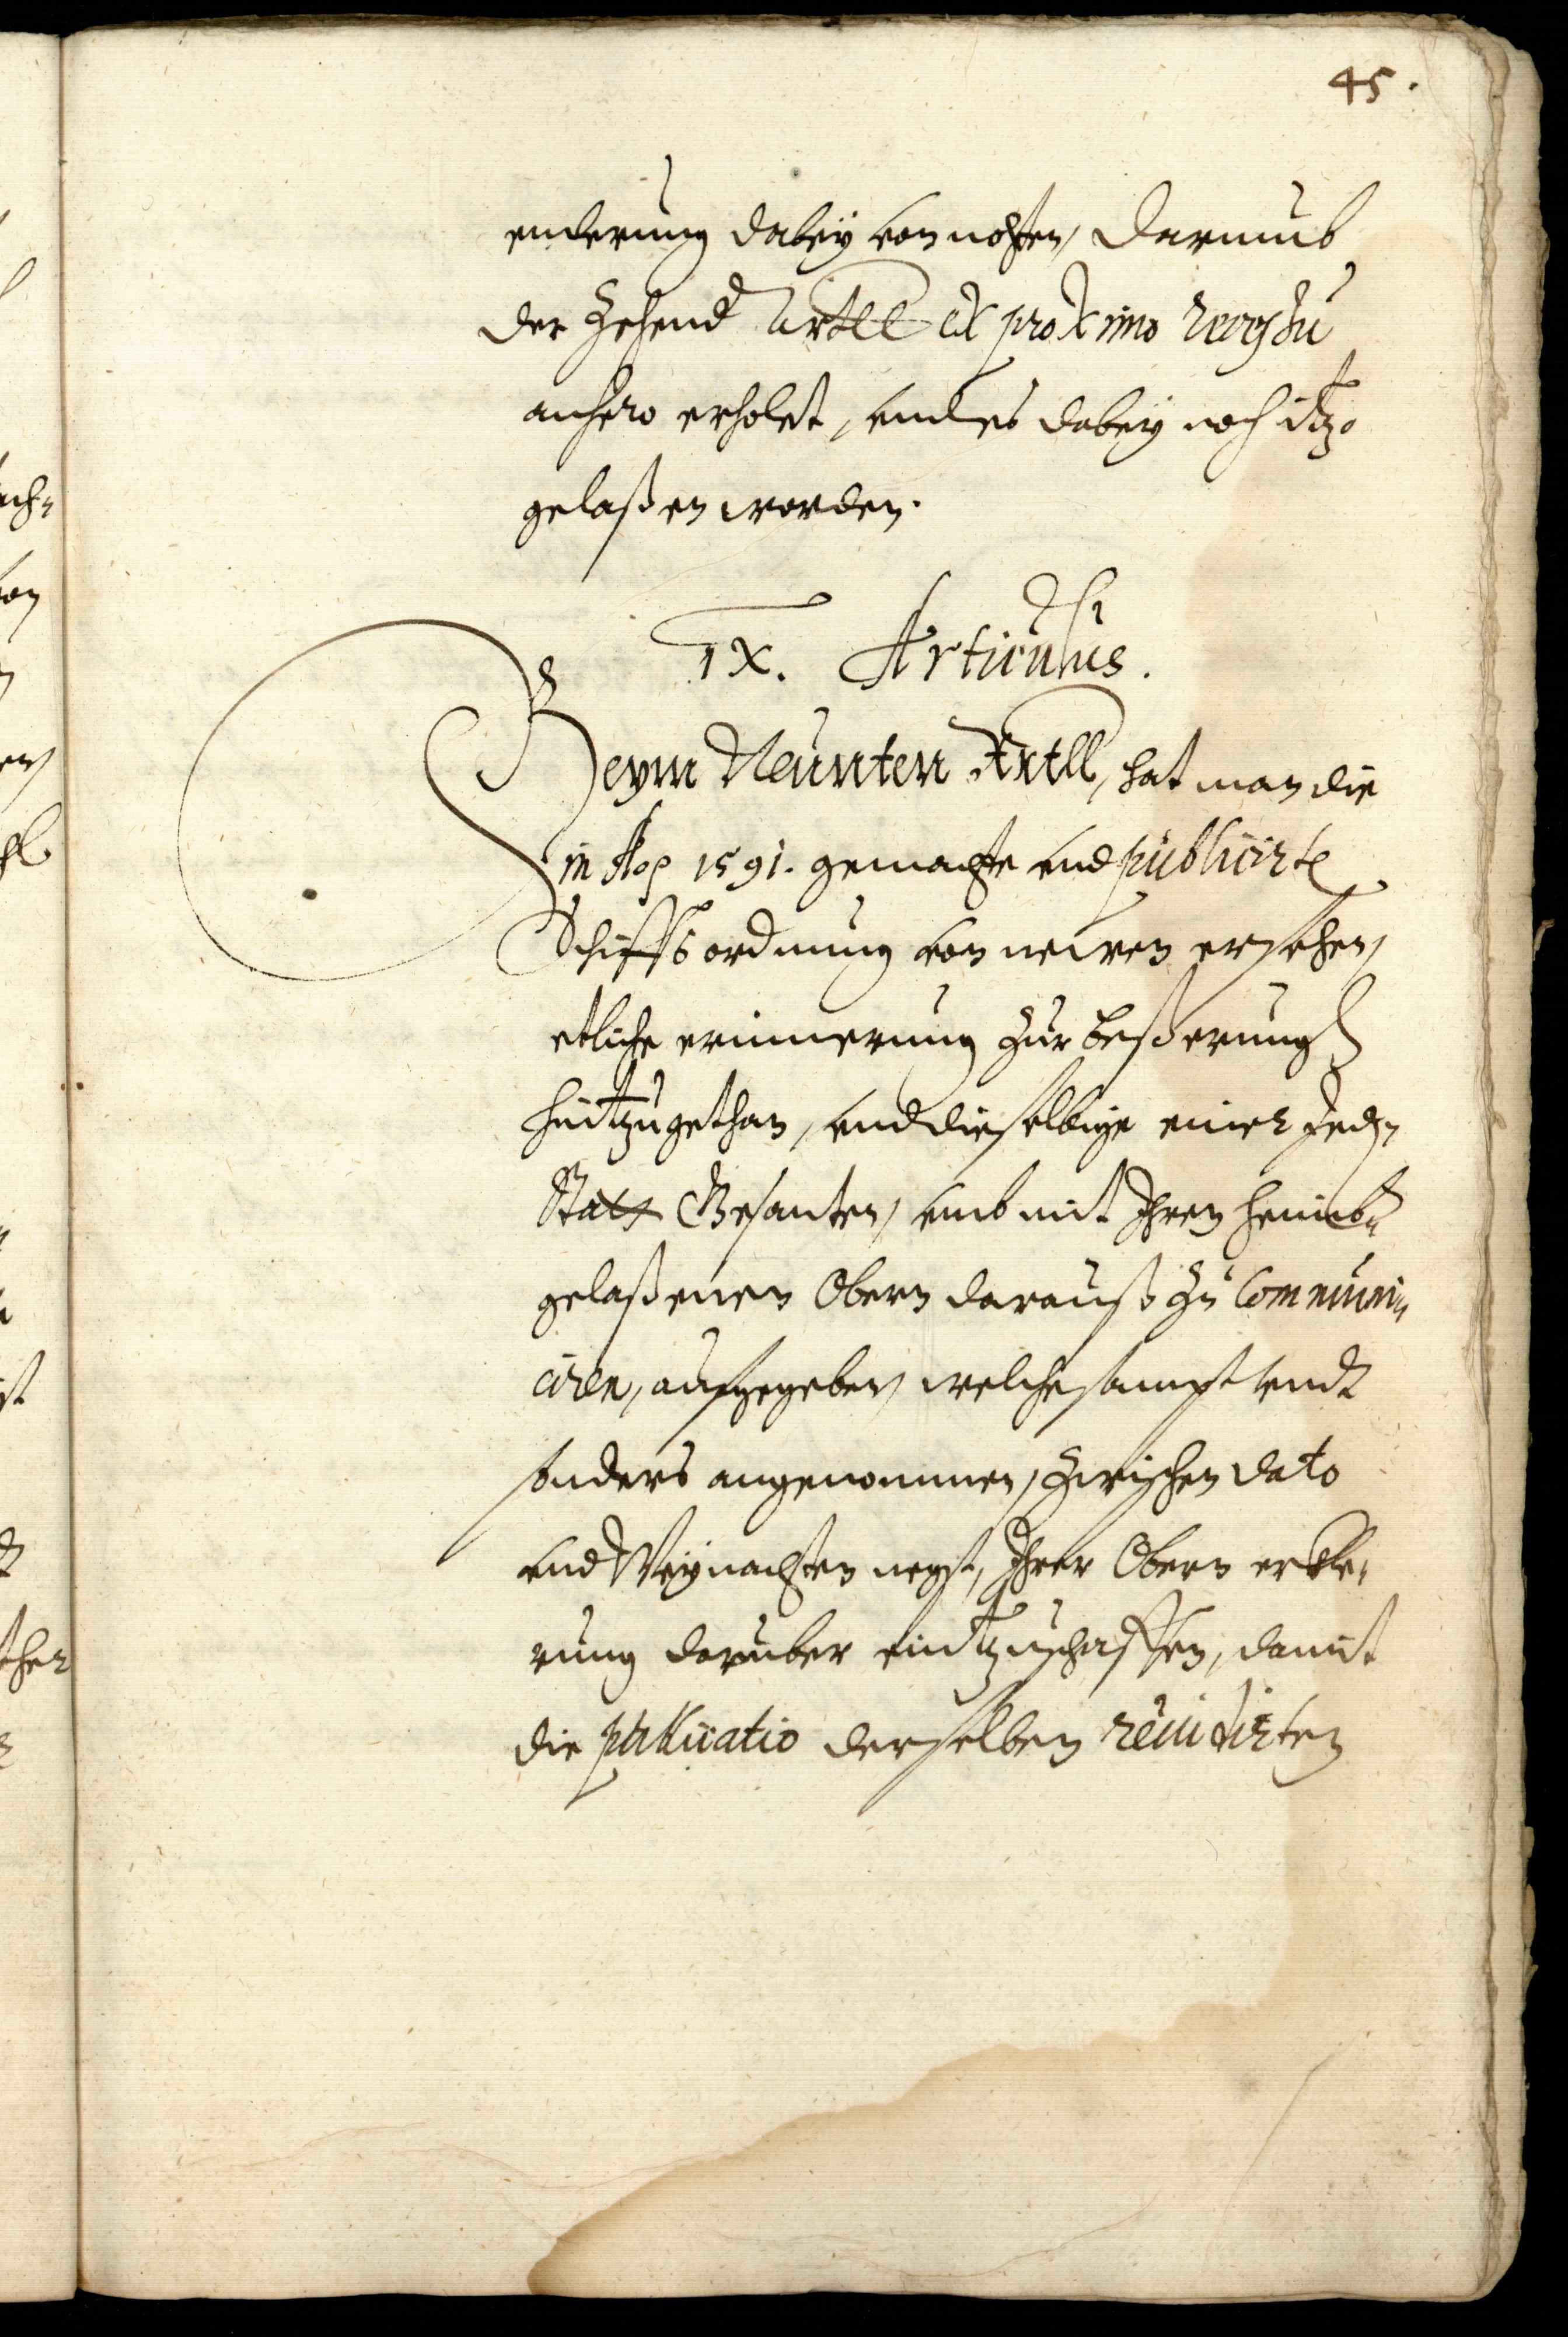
45.
enderung dabeij vonnothen, darumb
der zehend Artll ex proximo recessu
anhero erholet, vnders dabeij noch itzo
gelaßen werden.
ix. Articulus
Beijm Neunten Artll, hat man die
in Anno p 1591 gemachte vnd publicirte
Schiffsordnung von newen ersehen,
etliche erinnerung zur beßerungh
hintzu gethan, vnd dieselbige einer Jeden
Statt Gesanten vmb mit Ihren heimb¬
gelassenen Obern darauß zu Communi¬
ciren, aufgegeben, welche sampt vnd
sonders angenommen, zwischen dato
vnd Weijnachten negst, Ihrer Obern erkle¬
rung daruber eintzuschirffen, damit
die publicatio derselben reuidirten
